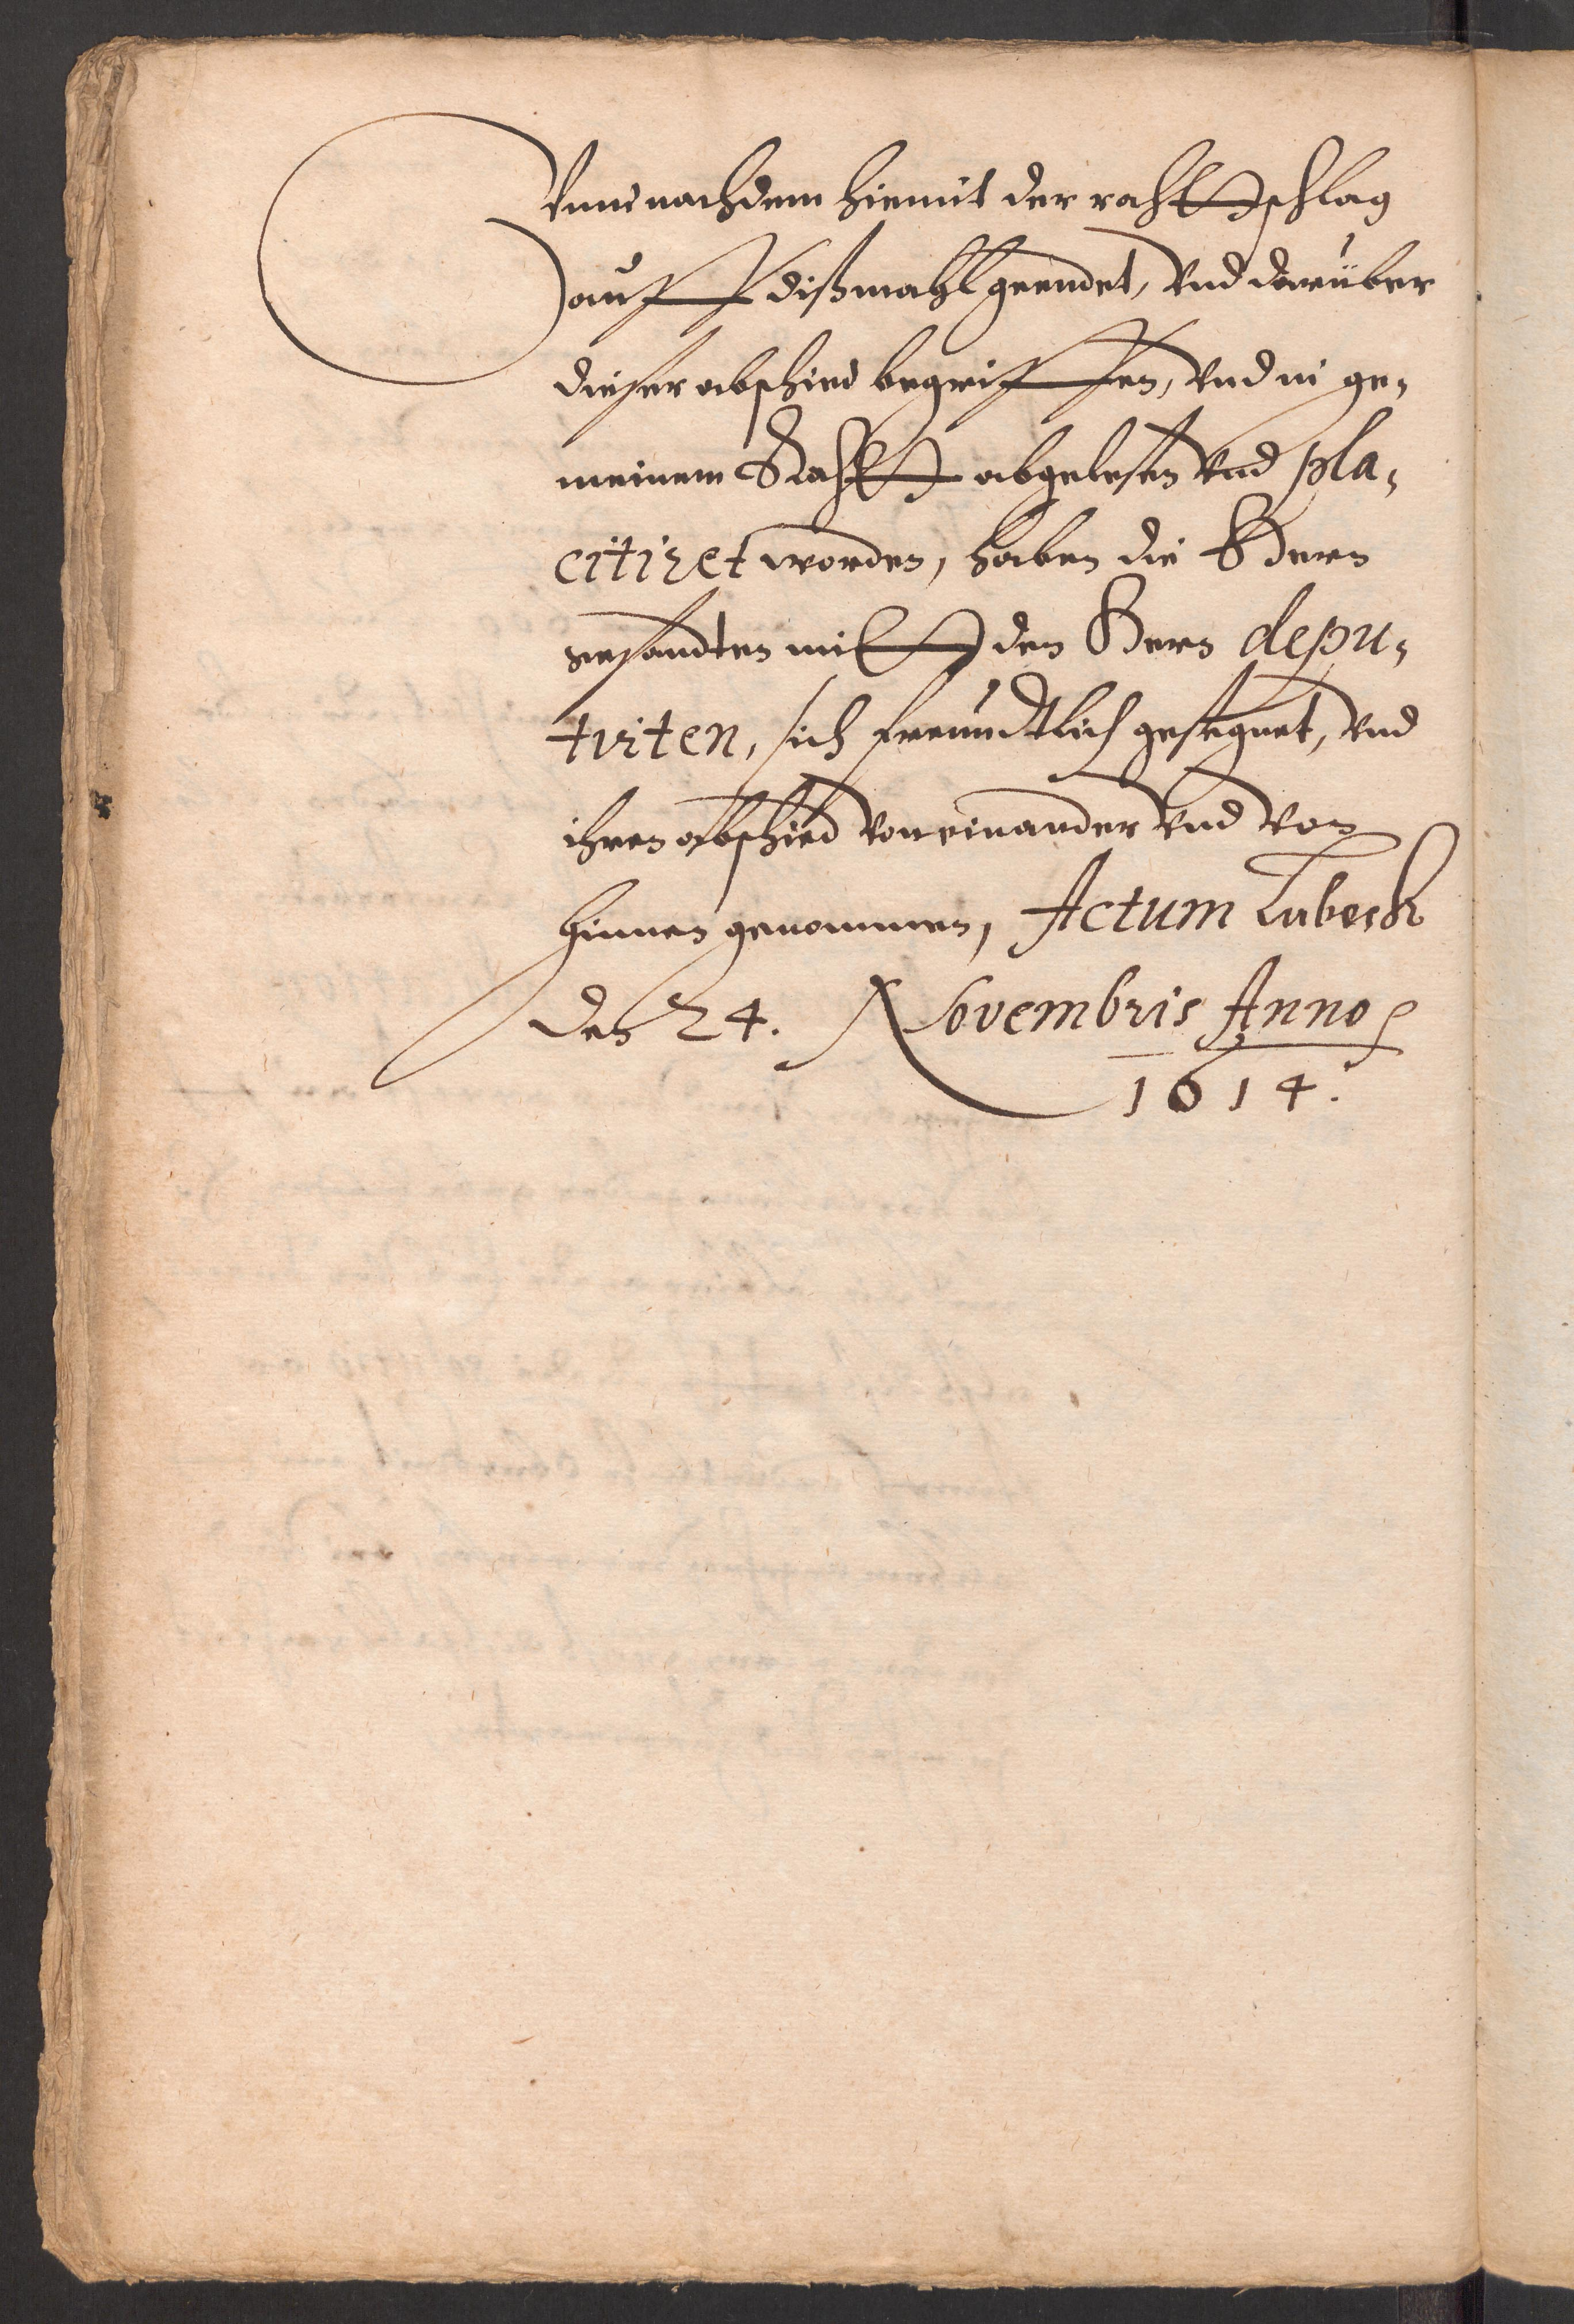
vnd nachdem hiemit der rahttschlag
auff dißmahl geendet, vnd darüber
dieser abschied begriffen, vnd in ge¬
meinem Rahtt abgelesen vnd pla¬
citiret worden, haben die Hern
gesandten mitt den Hern depu¬
tirten, sich freundtlich gesegnet, vnd
ihren abschied von einander vnd von
hinnen genommen, Actum Lubeck
den 24. Novembris Anno p
1614.
